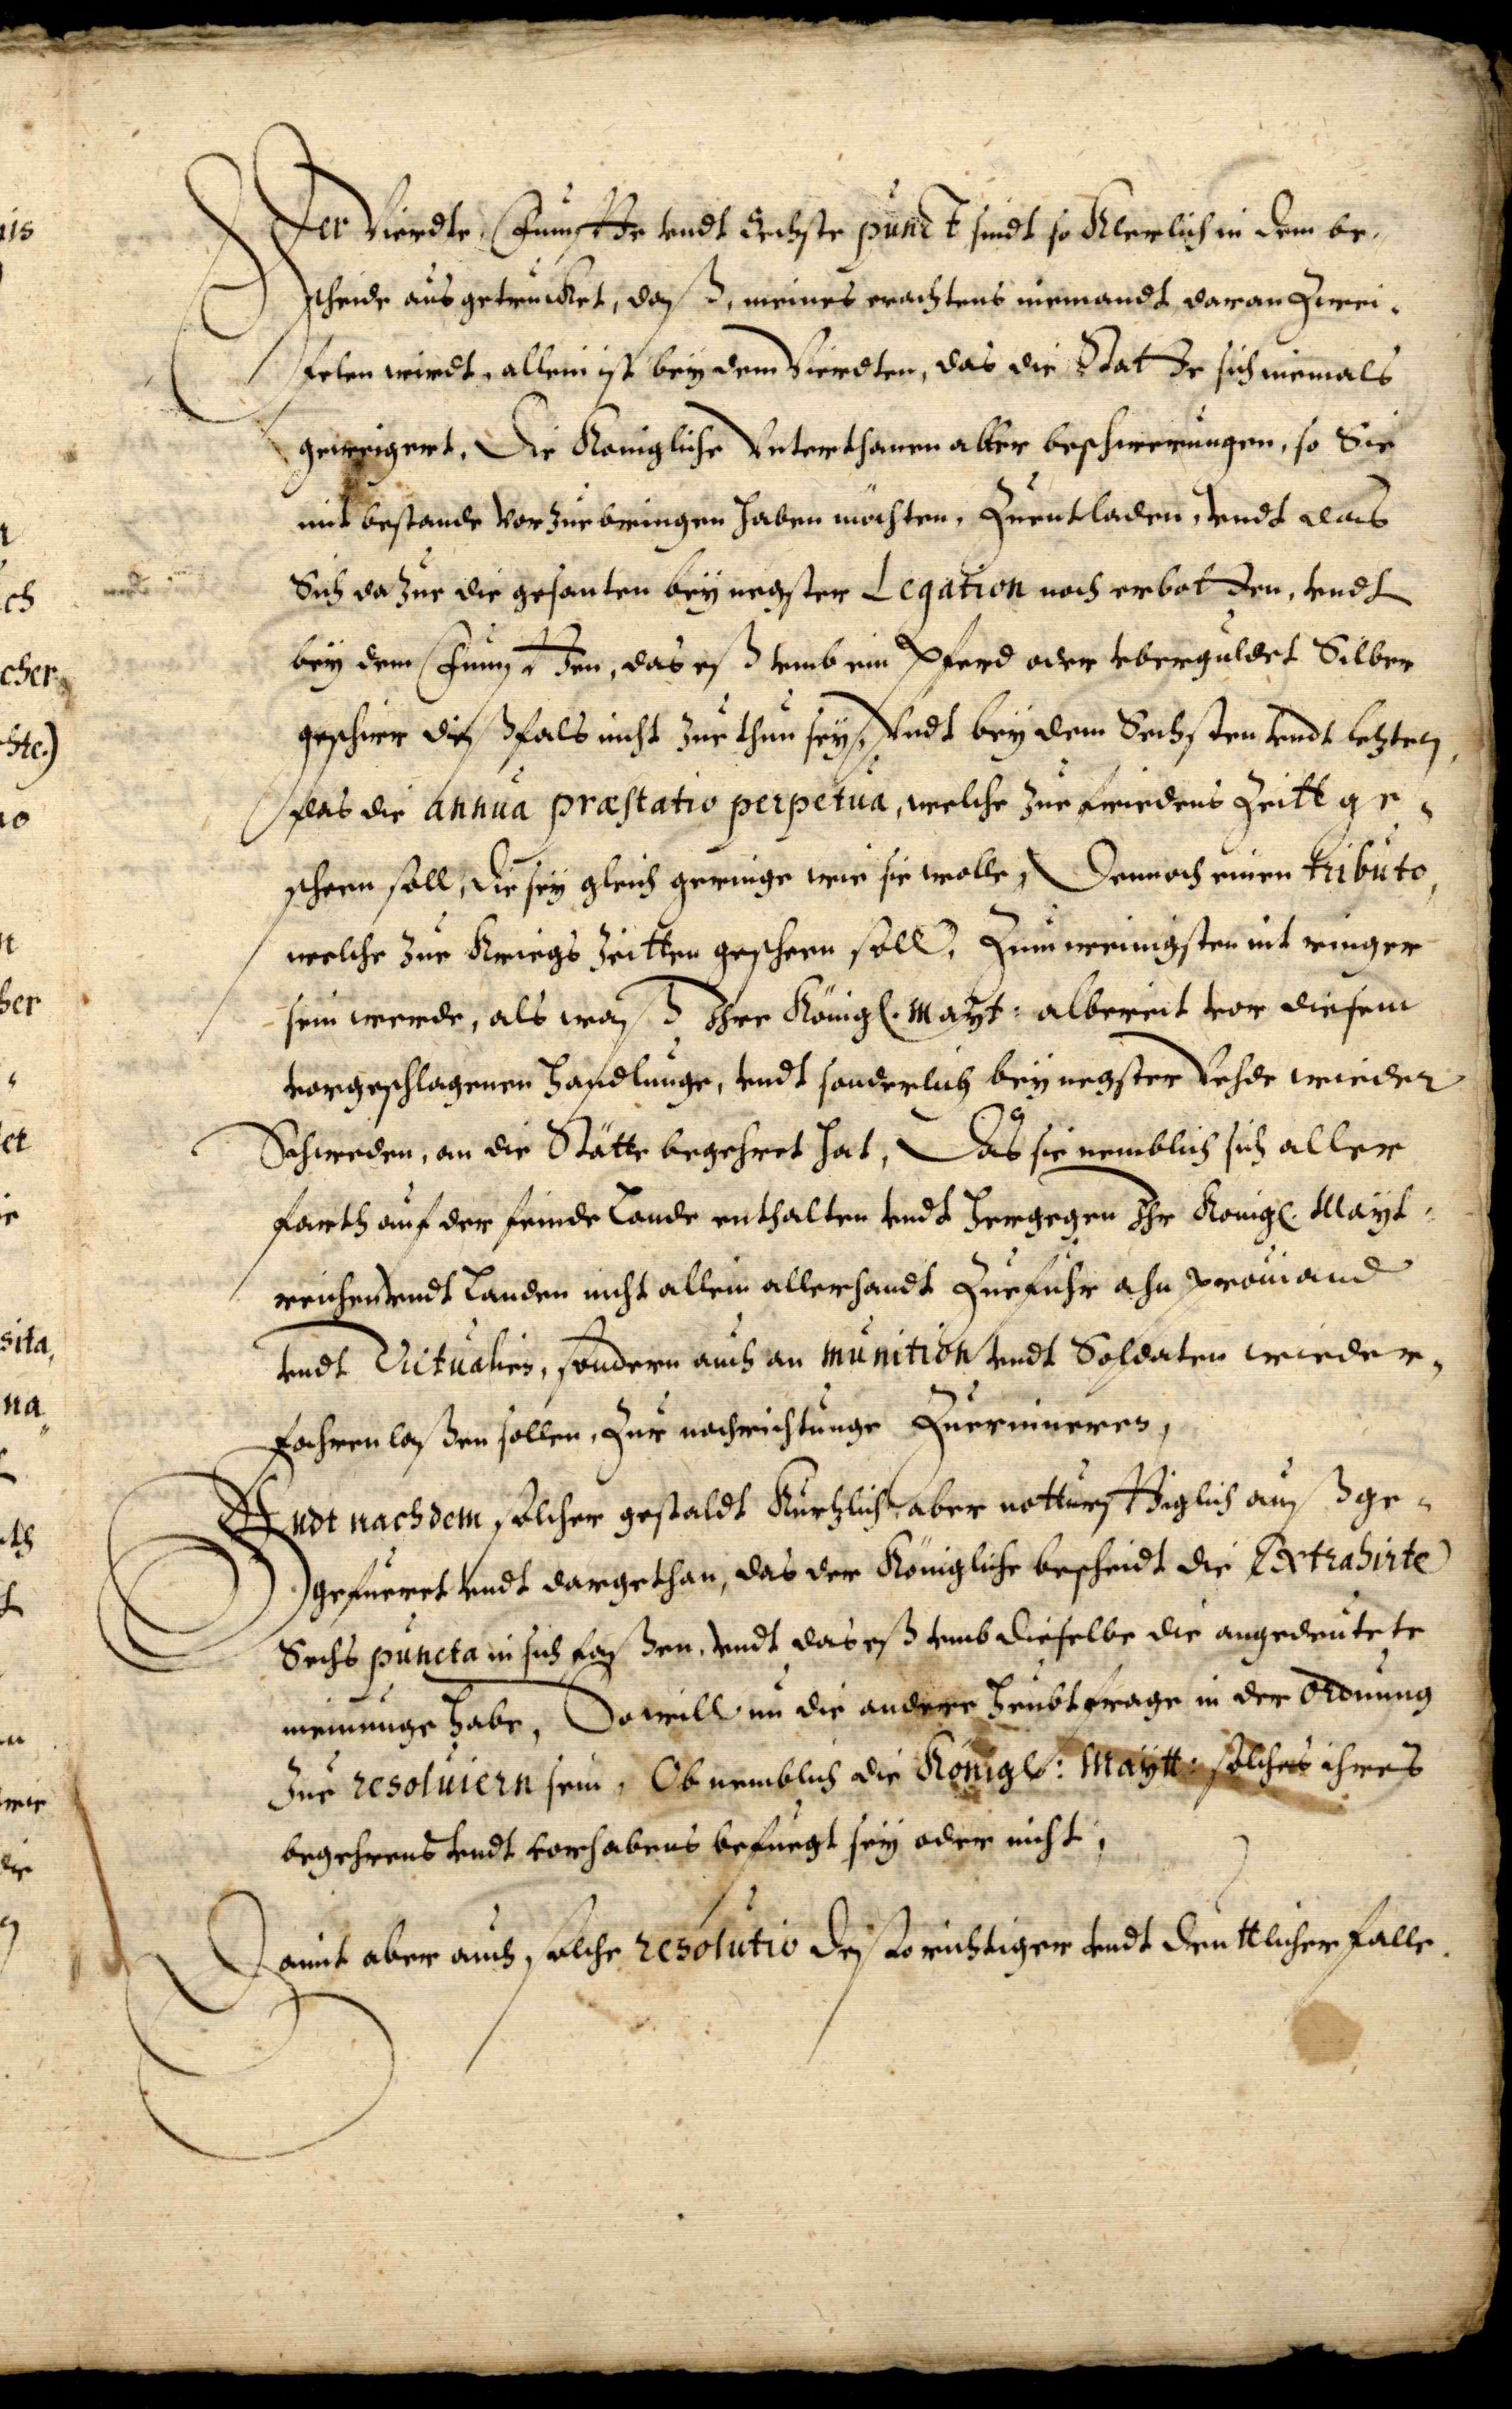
Der Vierdte, Funnfte vndt Sechste punct sindt so klerlich in dem be¬
scheide ausgetrucket, daß, meines erachtens niemandt daran zwei¬
felen wirdt, allein ist beij dem Vierdten, das die Statte sich niemals
geweigert, die Konigliche Vnterthanen aller beschwerungen, so Sie
mit bestande vorzuebringen haben möchten, zuentladen, vndt das
Sich dazue die gesanten beij negster Legation noch erbotten, vndt
beij dem Funnfften, das eß vmb ein Pferd oder vberguldet Silber
geschirr dießfals nicht zue thun seij, Vndt beij dem Sechsten vndt letzten,
das die annua praestatio perpetua, welche zue friedens zeitt ge¬
scheen soll, die seij gleich geringe wie sie wolle, Dennoch einen tributo,
welche zue Kriegs Zeitten gescheen soll, Zum weinigsten nit ringer
sein werde, als waß Ihre Königl. Maijt: albereit vor diesem
vorgeschlagenen Handlunge, vndt sonderlich beij negster Vehde wieder
Schweden, an die Stätte begehret hat, Das sie nemblich sich aller
farth auf der feinde Lande enthalten vndt Hergegen Ihr Konigl. Maijt:
reichen vndt Landen nicht allein allerhandt Zuefuhr ahn prouiand
vndt Victualien, sondern auch an munition vndt Soldaten wieder¬
fahren laßen sollen, Zur nachrichtunge Zuerinneren,
Vndt nachdem solcher gestaldt Kurtzlich aber notturfftiglich außge¬
gefueret vndt dargethan, das der Königliche bescheidt die Extrahirte
Sechs puncta in sich faßen, vndt das eß vmb dieselbe die angedeutete
meinunge Habe, So will nu die andere Heubtfrage in der Ordnung
zue resoluiern sein, Ob nemblich die Königl: Maijtt: solches ihres
begehrens vndt vorhabens befuegt seij oder nicht,
Damit aber auch solche resolutio desto richtiger vndt denttlicher falle.
